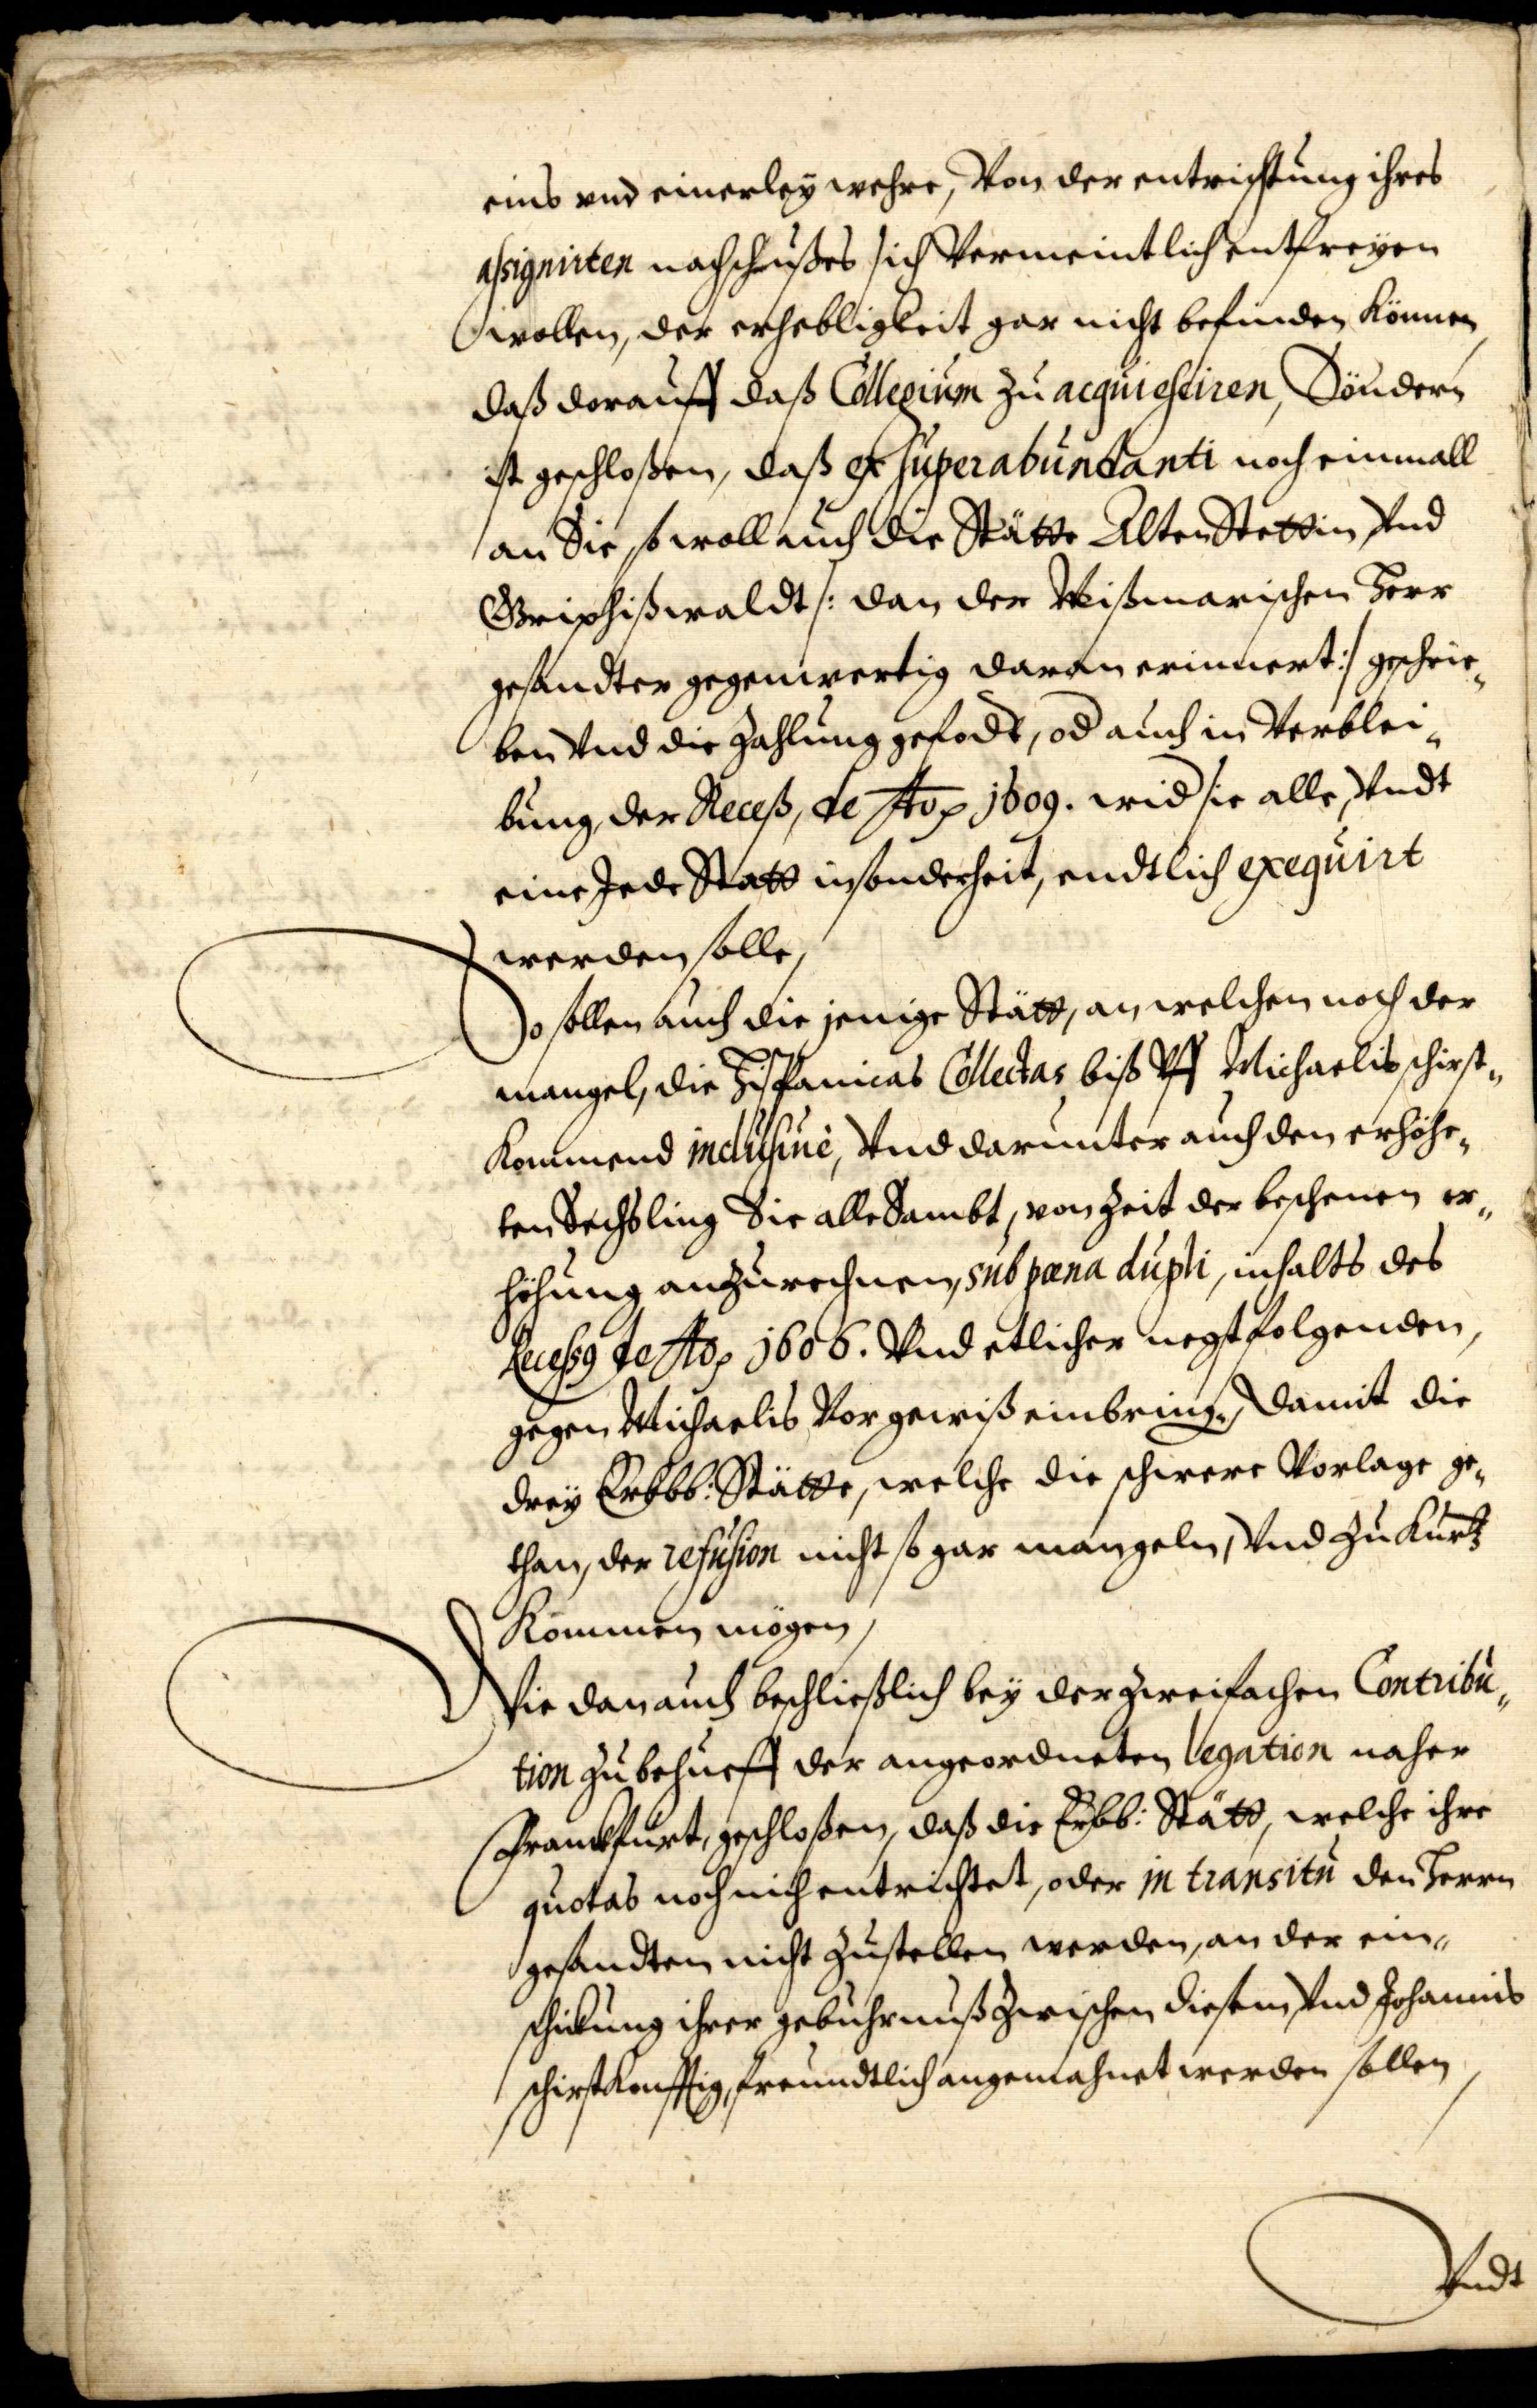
eins vnd einerleij wehre, Von der entrichtung ihres
assignirten nachschußes sich Vermeintlich entfreijen
wollen, der erhebligkeit gar nicht befinden können,
daß darauff daß Collegium zu aequiesciren, Söndern
ist geschloßen, daß ex super abundanti noch einmall
an Sie, so woll auch die Stätte Alten Stettin, Vnd
Griphißwaldt |: Dan der Wißmarischen herr
gesandter gegenwertig daran erinnert :| geschrie¬
ben Vnd die Zahlung gefodert, oder auch in Verblei¬
bung, der Receß, de Ao p 1609. wider sie alle, Vndt
eine Jede Statt insonderheit, endtlich exequirt
werden solle,
So sollen auch die jenige Stätt, an welchen noch der
mangel, die Hispanicas Collectas biß vf Michaelis schirst¬
kommend inclusiue, Vnd darunter auch den erhöhe¬
ten Sechsling Sie allesambt, von Zeit der beschenen er¬
höhung anzurechnen, sub poena dupli, inhalts des
Recessus de Ao p 1606. Vnd etlicher negstfolgenden,
gegen Michaelis vor gewiß einbringen, damit die
dreij Erbbb: Stätte, welche die schwere Vorlage ge¬
than, der refusion nicht so gar mangeln, vnd zu kurtz
kommen mögen,
Wie dan auch beschließlich beij der zweifachen Contribu¬
tion zu behueff der angeordneten legation naher
Franckfurt, geschloßen, daß die Erbb: Stätt, welche ihre
quotas noch nich entrichtet, oder in transitu den herrn
gesandten nicht zustellen werden, an der ein¬
schickung ihrer gebuhrnuß zwischen diesem, Vnd Johannis
schirstkonfftig, freundtlich angemahnet werden sollen,
Vndt
